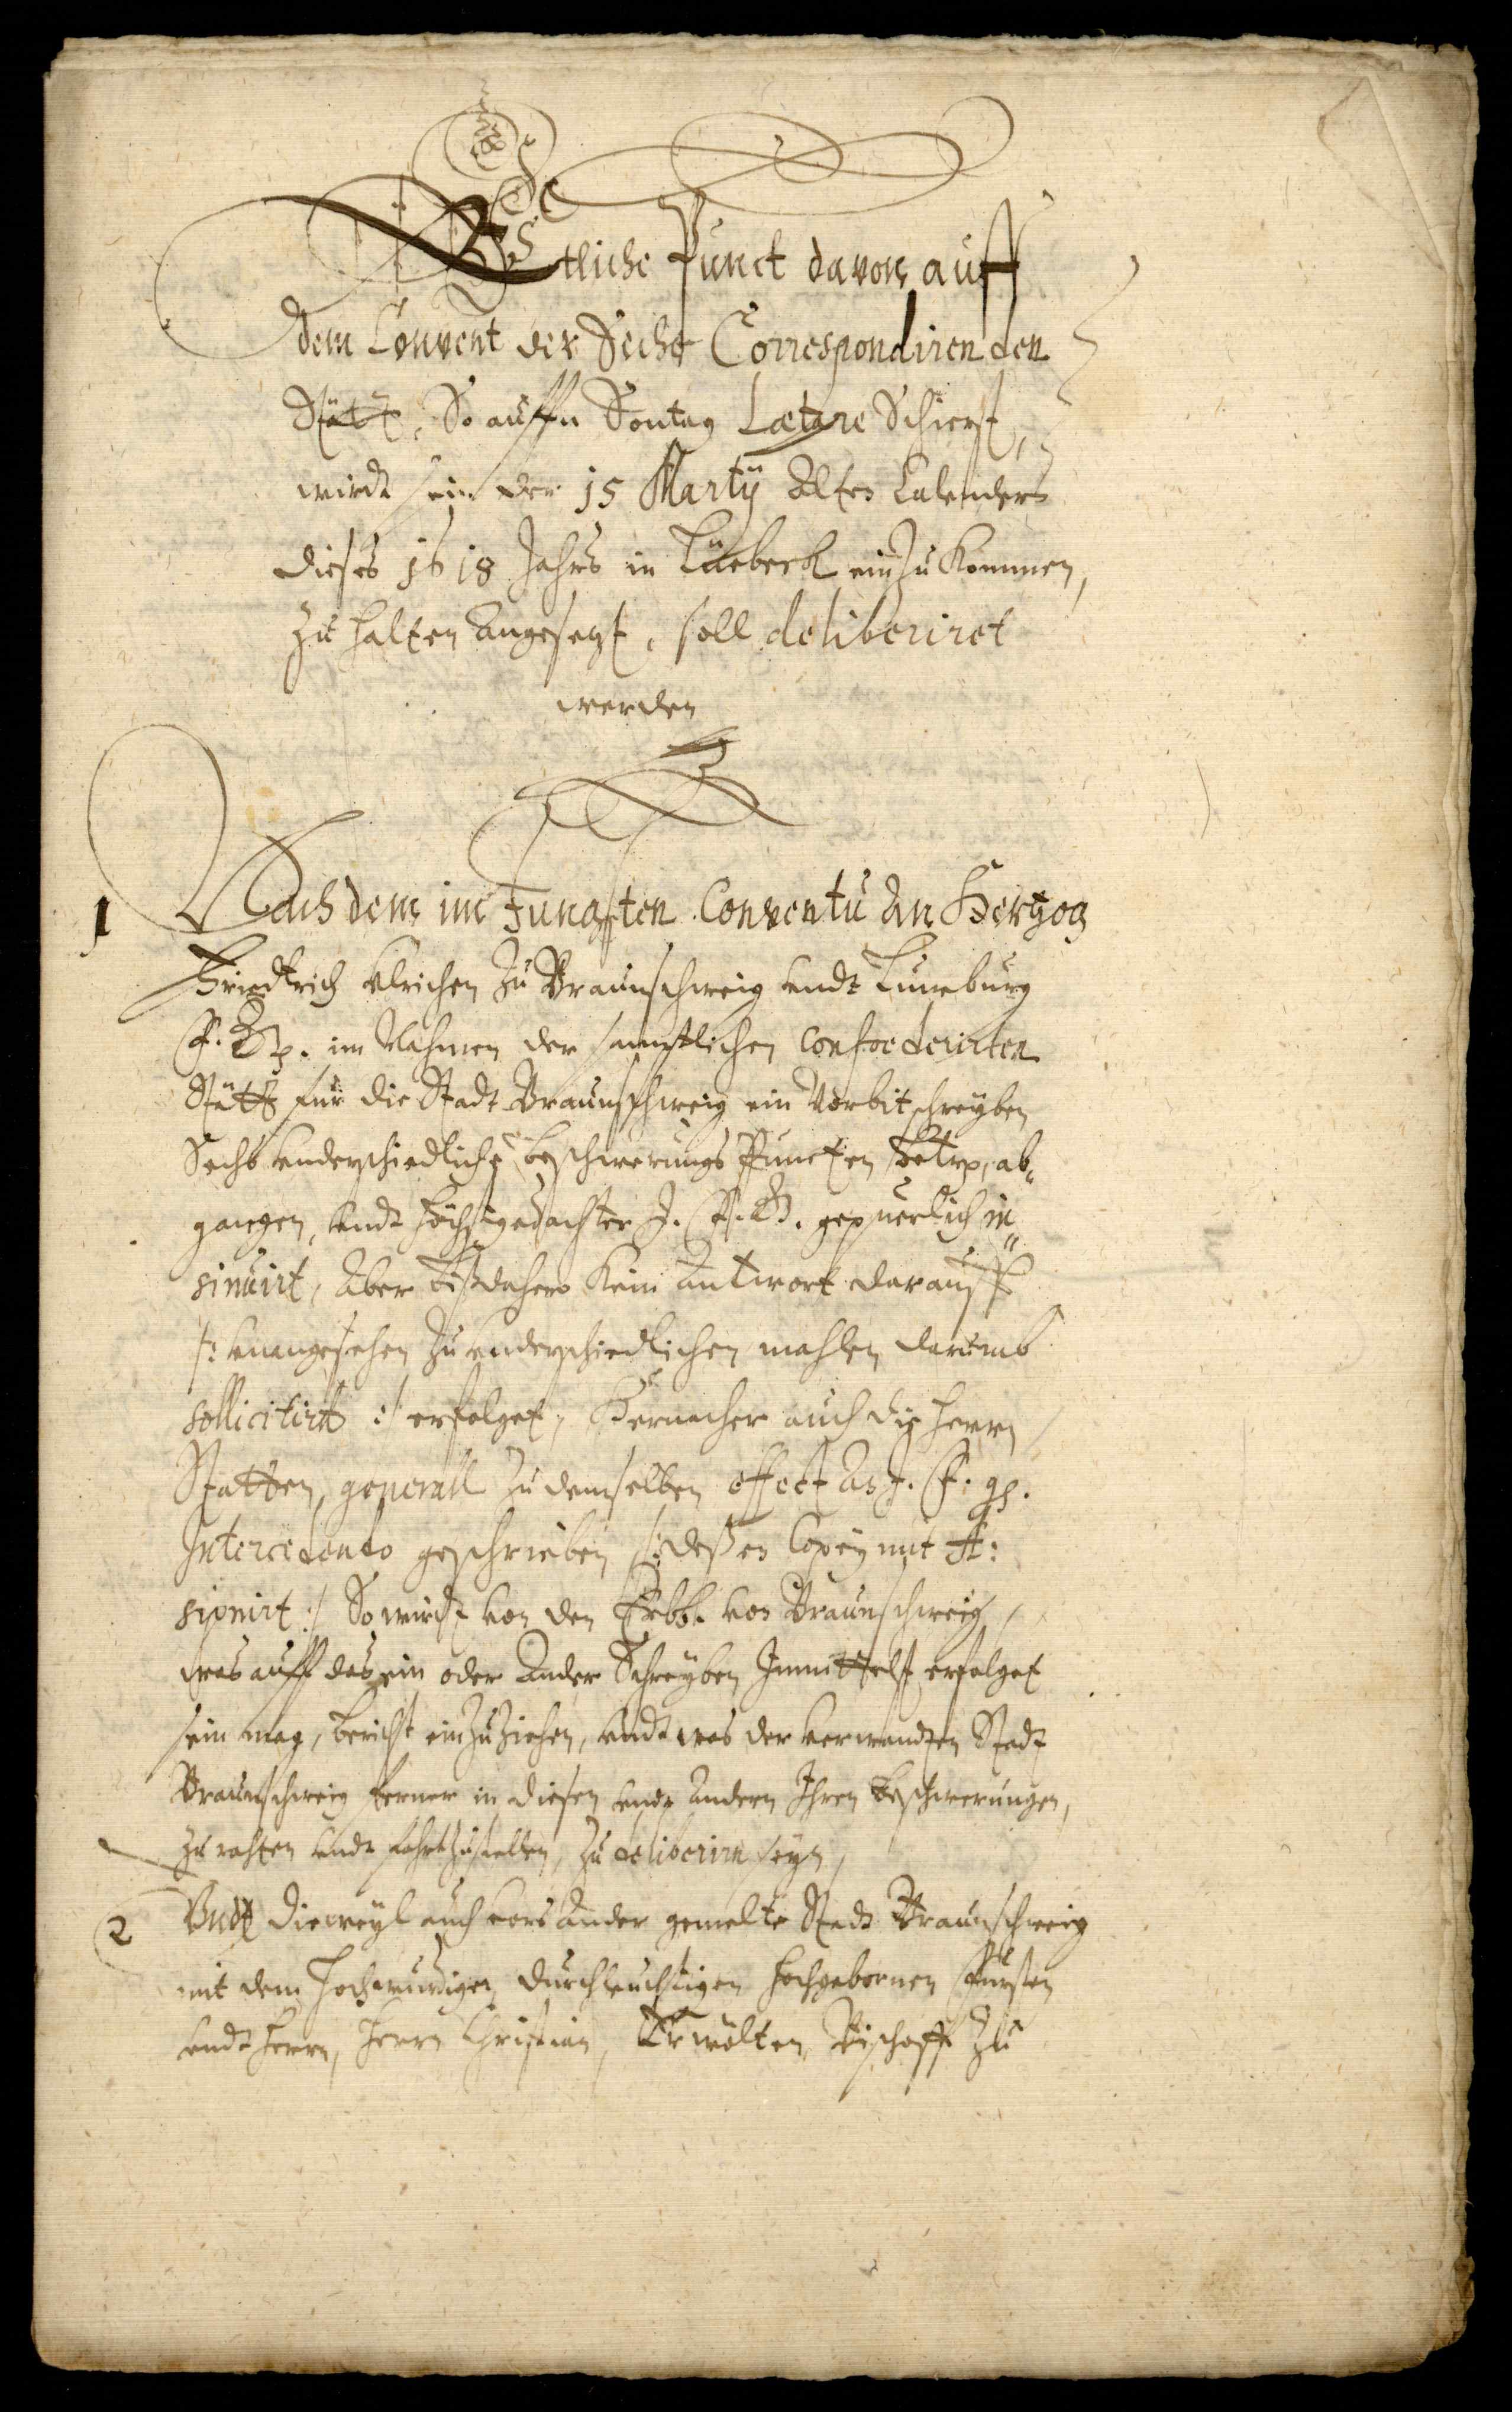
Etliche Punct davon auff
dem Convent der Sechs Correspondirenden
Stätt, So auffn Sontag Laetare Schierst,
wirdt sein der 15 Martij Alten Calenders
dieses 1618 Jahrs in Lüebeck einzukommen,
zu halten Angesezt, soll deliberiret
werden
Nachdem im Jungsten Conventu An Hertzog
Friedtrich vlrichen zu Braunschweig vndt Luneburg
F. G. im Nahmen der samptlichen Confoederirten
Stätt fur die Stadt Braunschweig ein Vorbitschreijben
Sechs vnderschiedliche beschwerungs Puncten betr., ab¬
gangen, vndt höchstgedachter I. F. G. gepuerlich in¬
sinuirt, Aber bißdahero kein Antwort darauff
/: vnangesehen zu vnderschiedlichen mahlen darumb
sollicitirt :/ erfolget, Hernacher auch die herrn
Statten generall zu demselben effect An I. F. gh.
Intercedendo geschrieben, so deßen Copey mit A:
signirt :/ So wirdt von den Erbb. von Braunschweig,
was auff das ein oder Ander Schreijben Inmittelst erfolget
sein mag, bericht einzuziehen, vndt was der verwandten Stadt
Braunschweig ferner in diesen vndt Andern Ihren beschwerungen,
zu rahten vndt fohrtzustellen, zu deliberirn seyn,
Vndt dieweijl auch vors Ander gemelte Stadt Braunschweig
mit dem Hochwurdigen durchleuchtigen hochgebornen Fursten
vndt herrn, herrn Christan, Erwölten Bischoff zu
1
2
